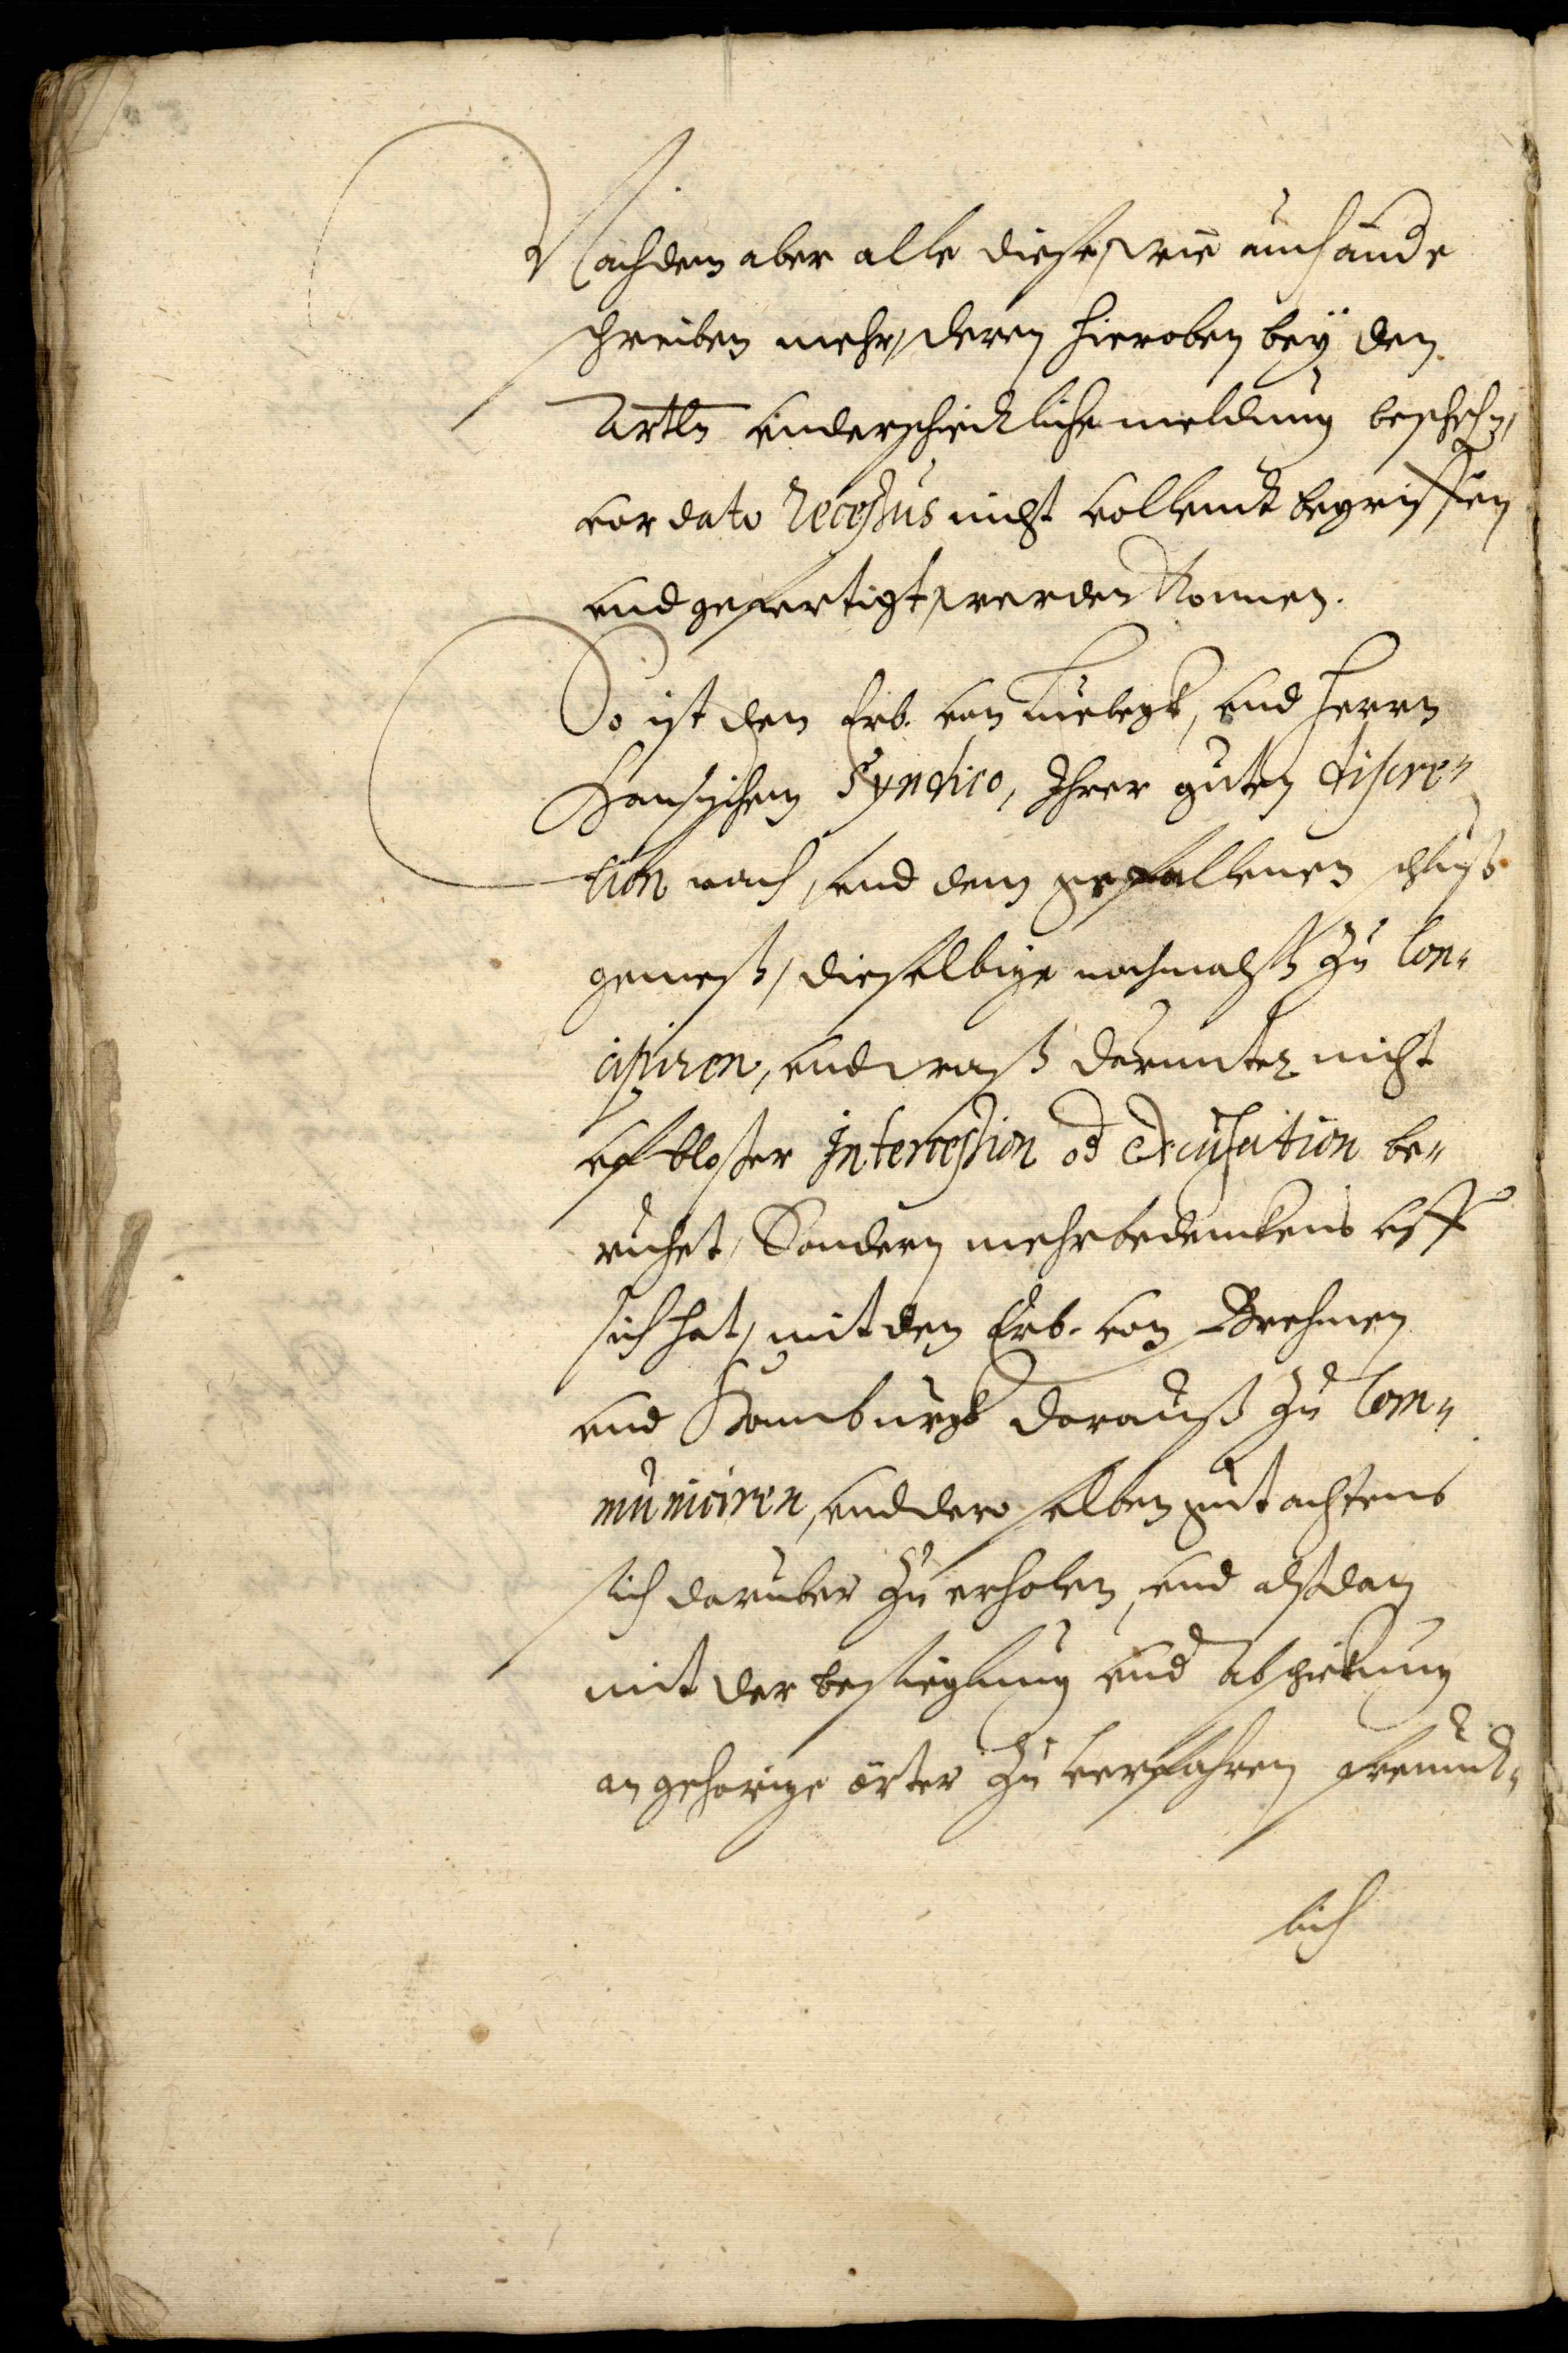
Nach dem aber alle diese wie auch andere
schreiben mehr, deren hieroben beij den
Artln vnderschiedliche meldung beschehen,
vor dato recessus nicht vollendt begriffen,
vnd gefertigt werden konnen,
So ist den Erb. von Luebegk, vnd herrn,
Hansischem Syndico, Ihrer guten discre¬
tion nach, vnd dem gefallenen schluß
gemeß, dieselbige nochmalß zu Con¬
cipiren, vnd waß darunter nicht
vf bloßer Intercession oder excusation be¬
richtet, Sondern mehr bedenckens vff
sich hat, mit den Erb. von Brehmen
vnd Hamburgk darauß zu Com¬
municirn, vnd dem selben gutachtens
sich daruber zu erholen vnd alsdan
mit der besieglung vnd Abschickung
angehorige örter zu verrfahren freundt¬
lich
